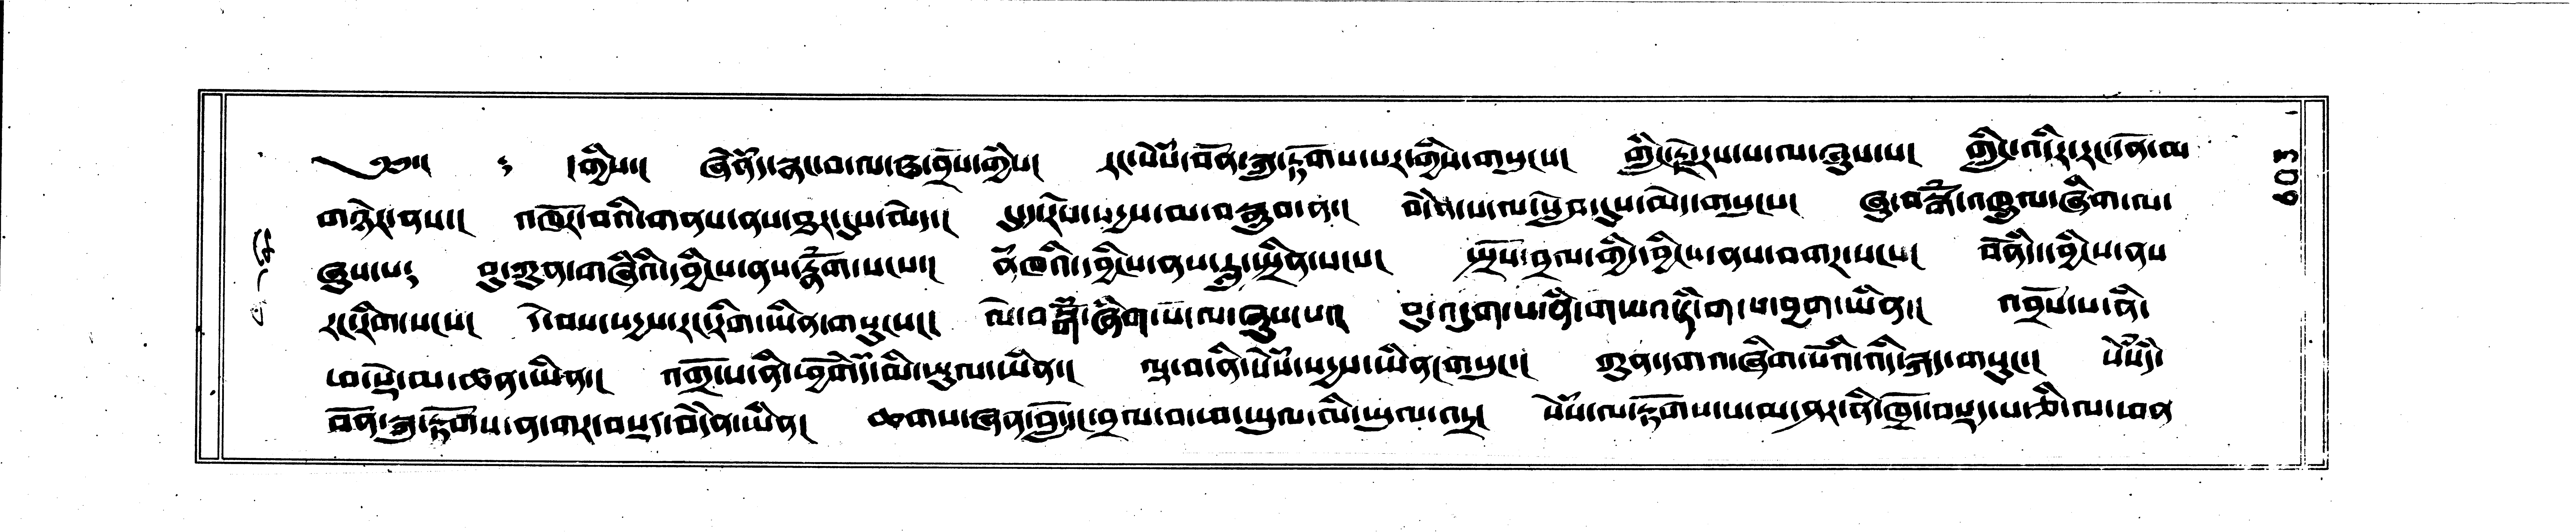གྱིས། ཞན་མེད་ཀྱི་སྣང་བ་ལ་ཝ་བྲོས་གྱིས། རང་སེམས་བོན་སྐུ་རྟོགས་པ་གྱིས་གསུངས། གླིང་རྗེ་རས་པ་ལ་ཞུས་པས། གླིང་འདིར་རང་དོན་མ་
གཉེར་ན། འཁོར་བའི་གནས་ན་ཐར་དུས་མེད། དུས་ད་རེས་སངས་རྒྱས་མ་བསྒྲུབ་ན། བདེ་ཆེན་ས་ལ་སླེབས་དུས་མེད། ཞུ་སྒོམ་འཁྲུལ་ཞིགས་ལ་
ཞུས་པས། ཀུན་གཞིའི་དབྱིངས་ནས་རྣམ་རྟོག་སངས། ནམ་མཁའི་དབྱིངས་ན་རླུང་སྤྲིན་སངས། སྤྲོས་བྲལ་གྱི་དབྱིངས་ན་བག་ཆགས་སངས། བོན་ཉིད་དབྱིངས་ན་
རང་རིག་སངས། དེ་ལ་སངས་རྒྱས་རང་ཉིད་ཡིན་གསུངས། མེ་སྒོམ་ཞིག་པོ་ལ་ཞུས་པས། བུ་འདུག་ས་ནི་གཡའ་རི་གངས་བྲག་ཡིན། བྲོས་ས་ནི་ཕ་སྡེ་མ་ཚན་ཡིན། འགྲོ་བ་ནི་
ཕྱོགས་མེད་མི་ཡུལ་ཡིན། ལྟ་བ་ནི་རང་སེམས་སངས་རྒྱས་ཡིན་གསུངས། ཀུན་དགའ་ཞིགས་པོའི་༼པོས༽འདི་སྐད་གསུངས། སེམས་ཉིད་
བོན་སྐུ་རྟོགས་ན་གར་བསྡས་‘‘བསྡད”བདེ་ཆེན་ཡིན། ཆགས་ཞན་བློ་དང་བྲལ་ན་ཕ་ཡུལ་མི་ཡུལ་འདྲ། སེམས་ལ་རྟོགས་པ་མ་ཤར་ན་རི་ཁྲོད་བསྟན་པ་ཅི་ལ་ཕན།